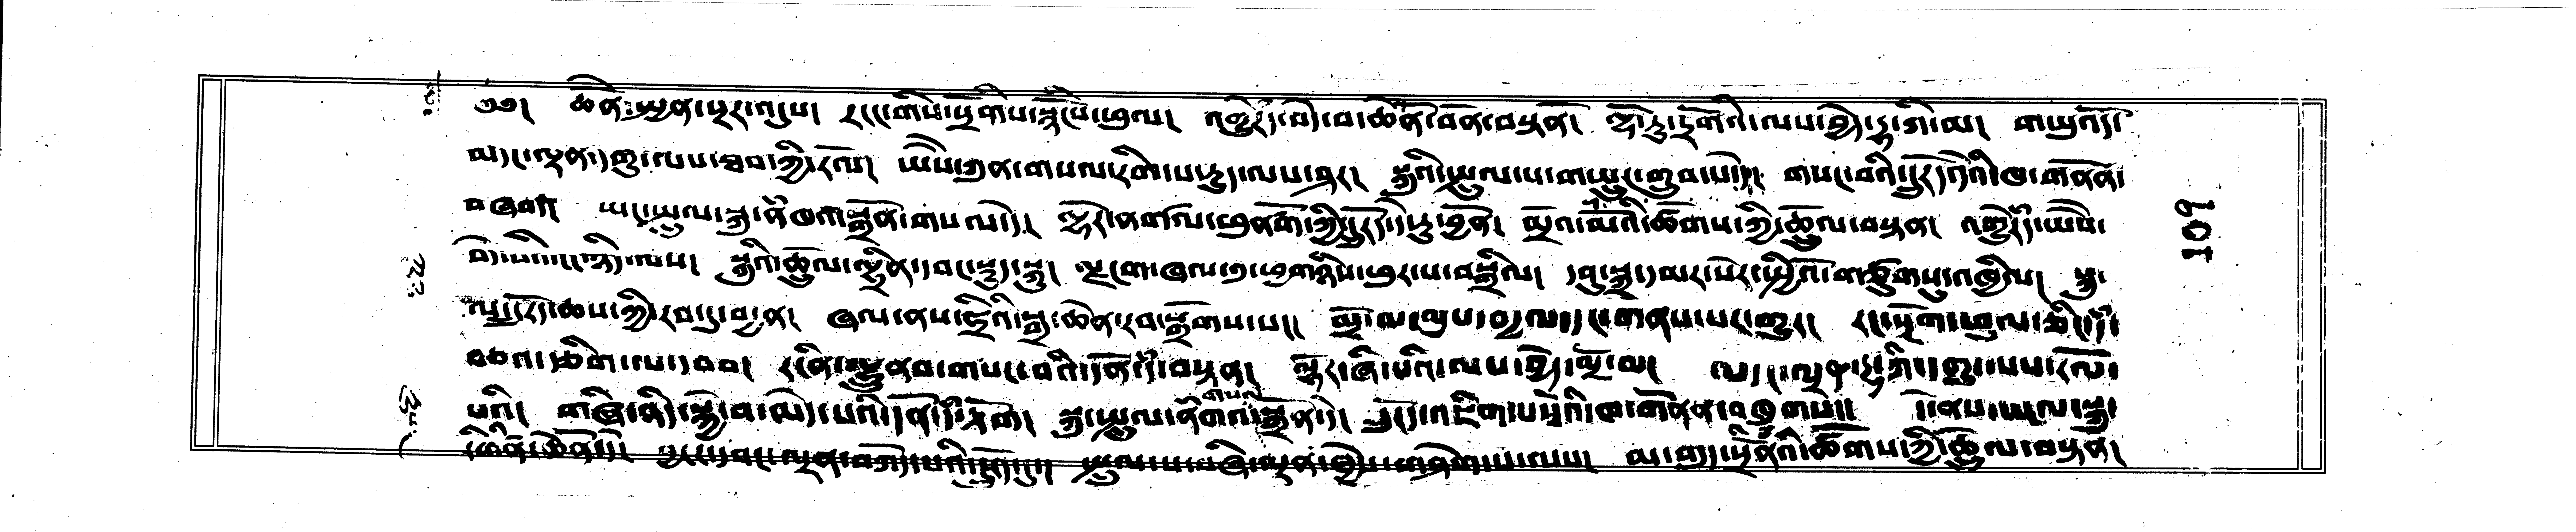ཆེན་པོ་སྤྱན་སྔར་འདུས། རང་རང་གིས་སྲོག་གི་སྙིང་པོ་ཕུལ། འགྱུར་མེད་བདེ་བ་ཆེན་པོ་བོན་བསྟན་ཏོ། ལྷོ་རུ་དྲག་པོའི་ལས་བྱེད་དྷ་ཀི་མ། གཡུ་འོད་
མདངས་ལྡན་དགུ་ལས་ཐབས་ཀྱིས་རོལ། ཡེ་ཤེས་ཀུན་གསལ་རིག་པ་རྒྱུད་ལས་ཤར། སྐུའི་སྤྲུལ་པ་གཡུང་དྲུང་གྲུབ་པ་དེ། གསང་བའི་དུར་ཁྲོད་དེའི་ཁ་གནོན་
བཞག ཡང་སྤྲུལ་སྐུ་ནམ་མཁའ་སྒྲོན་གསལ་དེ། ལྷོ་ཤར་ནགས་ཚལ་ཕུན་ཚོགས་ཀྱི་དུར་ཁྲོད་དེ་རུ་བྱོན་ནས། མཁའ་འགྲོ་མ་མོའི་ཚོགས་ཀྱི་ཆོ་འཕྲུལ་བསྟན། འགྱུར་མེད་ཡེ་ཤེས་
བདེ་བའི་ངང་ཉིད་ལས། སྐུའི་ཆོ་འཕྲུལ་ལྷ་སྲིན་དབང་སྡུད་སྐུ། ལྗང་ནག་ཞལ་གཅིག་ཕྱག་གཉིས་ཕུར་པ་བསྒྲིལ། དབུ་སྐྲ་དམར་སེར་སྤྱི་བོའི་གཙུག་ཏུ་འཁྱིལ། སྐུ་
ལ་དུར་ཁྲོད་ཆས་ཀྱིས་རབ་ཏུ་བརྒྱན། ཞལ་ནས་ཧྲིའི་སྒྲ་ཆེན་རབ་སྒྲོགས་པ། མཁའ་འགྲོ་མ་ལུས་བརྒྱལ་དང་གནས་པར་གྱུར། རང་སྲོག་ཕུལ་ཅིང་དམ་
བཅའ་རྩིག་ལ་དབབ། རང་བཞིན་ལྷུན་གྲུབ་གསང་བའི་དོན་དམ་བསྟན། ལྷོ་ཤར་ཞི་བའི་ལས་བྱེད་མཁའ་འགྲོ་མ། མདངས་ལྡན་དྷ་ཀི་དགུ་ལས་རོལ་
པ་ཡི། གཞི་ཉིད་སྐྱེ་བ་མེད་པའི་དོན་དམ་རྟོག སྐུ་སྤྲུལ་ནམ་མཁའ་གསལ་སྒྲོན་དེ། དུར་ཁྲོད་འཇིགས་པའི་ཁ་གནོན་བཞུགས། དེ་ནས་སྤྲུལ་སྐུ་
རིག་འཛིན་ཆེན་པོ་དེ། བྱང་ཤར་དབང་ལྡན་བཀོད་པའི་དུར་ཁྲོད་དུ། སྤྲུལ་པ་བཞི་ལྡན་ཐུགས་རྗེ་གཤེགས་པ་ལས། མ་བདུད་སྲིན་པོའི་ཚོགས་ཀྱི་ཆོ་འཕྲུལ་བསྟན།